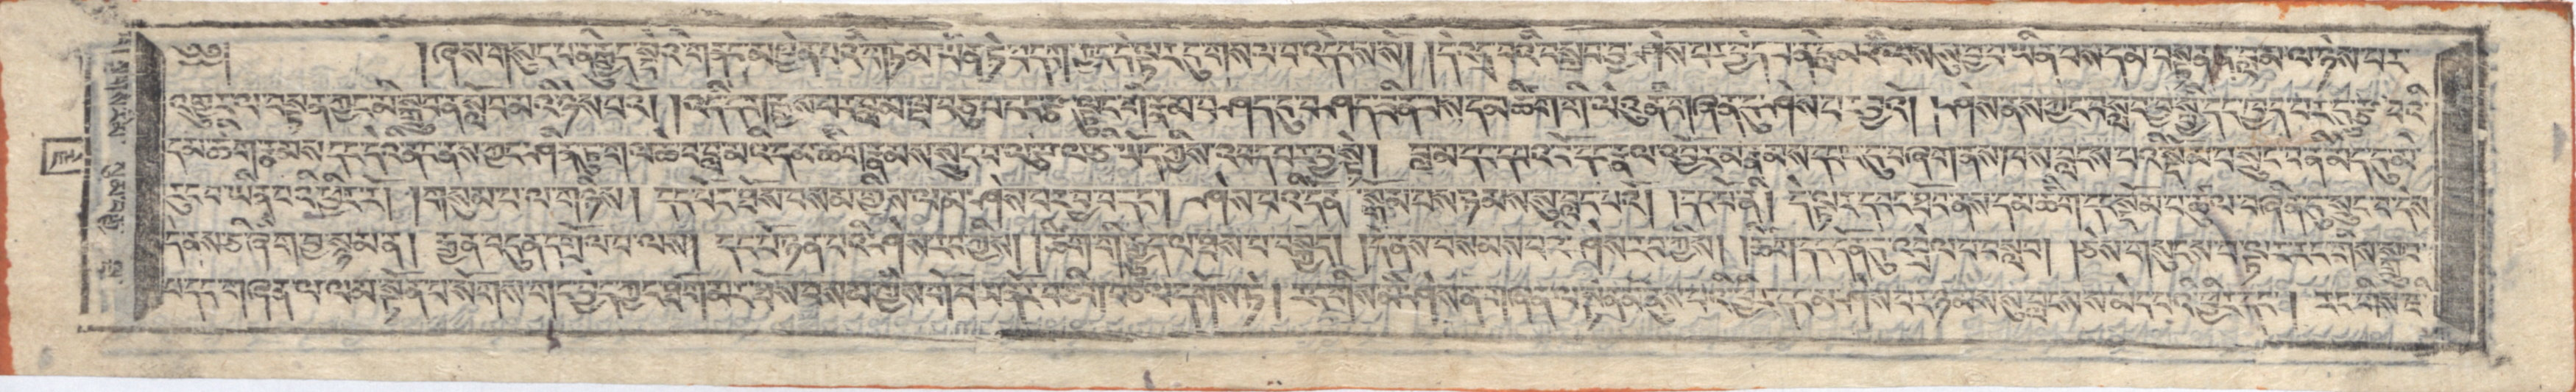༄༅། །ཞེས་གསུང་པ་ནི་རྒྱུད་སྡེའི་གནད་མཁྱེན་པའི་གཏམ་ཡིན་ཏེ་བདག་ཀྱང་དེ་ལྟར་དུ་གསོལ་བ་འདེབས་སོ། །དེ་འདྲ་བའི་བསླབ་བྱ་ཤེས་པར་བྱེད་པ་ནི་བླ་མའི་ལས་སུ་བྱ་བ་ཡིན་པས་དམ་བསྟན་ན་བླ་མ་ལ་ཉེས་པར་
འགྱུར་ལ་བསྟན་ཀྱང་མི་སྒྲུབ་ན་སློབ་མའི་ཉེས་པའོ། །འདི་དག་རྒྱས་པར་བླ་མ་ལྔ་བཅུ་པ་དང་རྩ་ལྟུང་གི་རྣམ་བཤད་དུ་བཤད་ཟིན་པས་དམ་ཚིག་གི་ལེའུ་ནི་གཞན་དུ་ཤེས་པར་བྱའོ། །ཤེས་ནས་ཀྱང་བསླབ་བྱ་སྤྱི་དང་ཁྱད་པར་དུ་རྩ་བའི་
དམ་ཚིག་རྣམས་དང་དེའི་ནང་ནས་ཀྱང་ཤིན་ཏུ་གལ་ཆེ་བ་བླ་མའི་དམ་ཚིག་རྣམས་སྲུང་བ་ལ་རྩལ་ཅི་ཡོད་ཀྱིས་འབད་པར་བྱ་སྟེ། བླ་མ་དང་དཔའ་བོ་དང་རྣལ་འབྱོར་མ་རྣམས་དབང་དུ་བཞག་ནས་ཁས་བླངས་པའི་སྡོམ་པ་སྲུང་བ་ནི་མེད་དུ་མི་
རུང་བ་ཡིན་པའི་ཕྱིར་རོ། །གསུམ་པ་ལ་གཉིས། དང་པོར་ཐོས་བསམ་གྱིས་ལམ་ཤེས་པར་བྱ་བ་དང་། ཤེས་པའི་དོན་སྒོམ་པས་ཉམས་སུ་བླང་པའོ། །དང་པོ་ནི། དེ་ལྟར་དབང་ཐོབ་ནས་དམ་ཚིག་དང་སྡོམ་པ་ཚུལ་བཞིན་དུ་སྲུང་བ་དེས་
དེ་ནས་ཅི་ཞིག་བྱ་སྙམ་ན། རྒྱན་བདུན་དགྲོལ་བ་ལས། དང་པོ་ཉན་པའི་ཤེས་རབ་ཀྱིས། །ཚིག་གི་རྒྱུད་ལ་ཐོས་པ་བསྐྱེད། །དེ་ནས་བསམས་པའི་ཤེས་རབ་ཀྱིས། །ཚིག་དང་དོན་དུ་འབྲེལ་པ་བསླབ། །ཅེས་གསུངས་པ་ལྟར་རང་གིས་སྒྲུབ་
པ་དང་གཞན་ལ་ལམ་སྟོན་པ་སོགས་གང་བྱེད་ཀྱང་ཐོག་མར་ཐོས་བསམ་གྱིས་གོ་བ་མ་ནོར་བ་ཅིག་བཙལ་དགོས་ཏེ། རང་གིས་མི་ཤེས་ན་གཞན་ལ་སྟོན་མི་ནུས་པའི་ཕྱིར་དང་མ་ཤེས་པར་ཉམས་སུ་བླངས་ས་མེད་པའི་ཕྱིར་དང་། རང་གིས་ཇི་